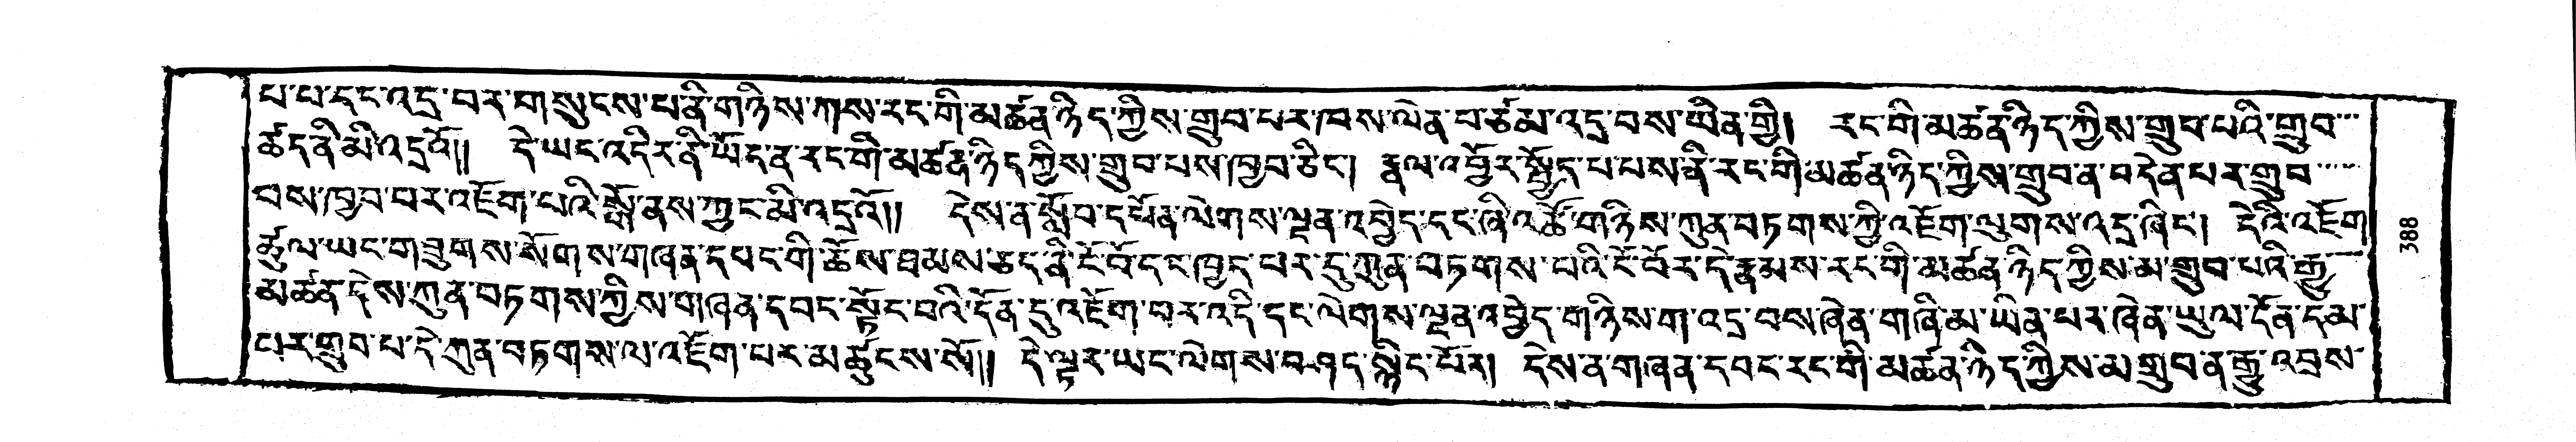པ་པ་དང་འདྲ་བར་གསུངས་པ་ནི་གཉིས་ཀས་རང་གི་མཚན་ཉིད་ཀྱིས་གྲུབ་པར་ཁས་ལེན་པ་ཙམ་འདྲ་བས་ཡིན་གྱི། རང་གི་མཚན་ཉིད་ཀྱིས་གྲུབ་པའི་གྲུབ་
ཚད་ནི་མི་འདྲའོ། །དེ་ཡང་འདིར་ནི་ཡོད་ན་རང་གི་མཚན་ཉིད་ཀྱིས་གྲུབ་པས་ཁྱབ་ཅིང་། རྣལ་འབྱོར་སྤྱོད་པ་པས་ནི་རང་གི་མཚན་ཉིད་ཀྱིས་གྲུབ་ན་བདེན་པར་གྲུབ་
པས་ཁྱབ་པར་འཇོག་པའི་སྒོ་ནས་ཀྱང་མི་འདྲའོ། །དེས་ན་སློབ་དཔོན་ལེགས་ལྡན་འབྱེད་དང་ཞི་འཚོ་གཉིས་ཀུན་བཏགས་ཀྱི་འཇོག་ལུགས་འདྲ་ཞིང་། དེའི་འཇོག་
ཚུལ་ཡང་གཟུགས་སོགས་གཞན་དབང་གི་ཆོས་ཐམས་ཅད་ནི་ངོ་བོ་དང་ཁྱད་པར་དུ་ཀུན་བཏགས་པའི་ངོ་བོར་དེ་རྣམས་རང་གི་མཚན་ཉིད་ཀྱིས་མ་གྲུབ་པའི་རྒྱུ་
མཚན་དེས་ཀུན་བཏགས་ཀྱིས་གཞན་དབང་སྟོང་བའི་དོན་དུ་འཇོག་པར་འདི་དང་ལེགས་ལྡན་འབྱེད་གཉིས་ག་འདྲ་བས་ཞེན་གཞི་མ་ཡིན་པར་ཞེན་ཡུལ་དོན་དམ་
པར་གྲུབ་པ་དེ་ཀུན་བཏགས་ལ་འཇོག་པར་མཚུངས་སོ། །དེ་ལྟར་ཡང་ལེགས་བཤད་སྙིང་པོར། དེས་ན་གཞན་དབང་རང་གི་མཚན་ཉིད་ཀྱིས་མ་གྲུབ་ན་རྒྱུ་འབྲས་